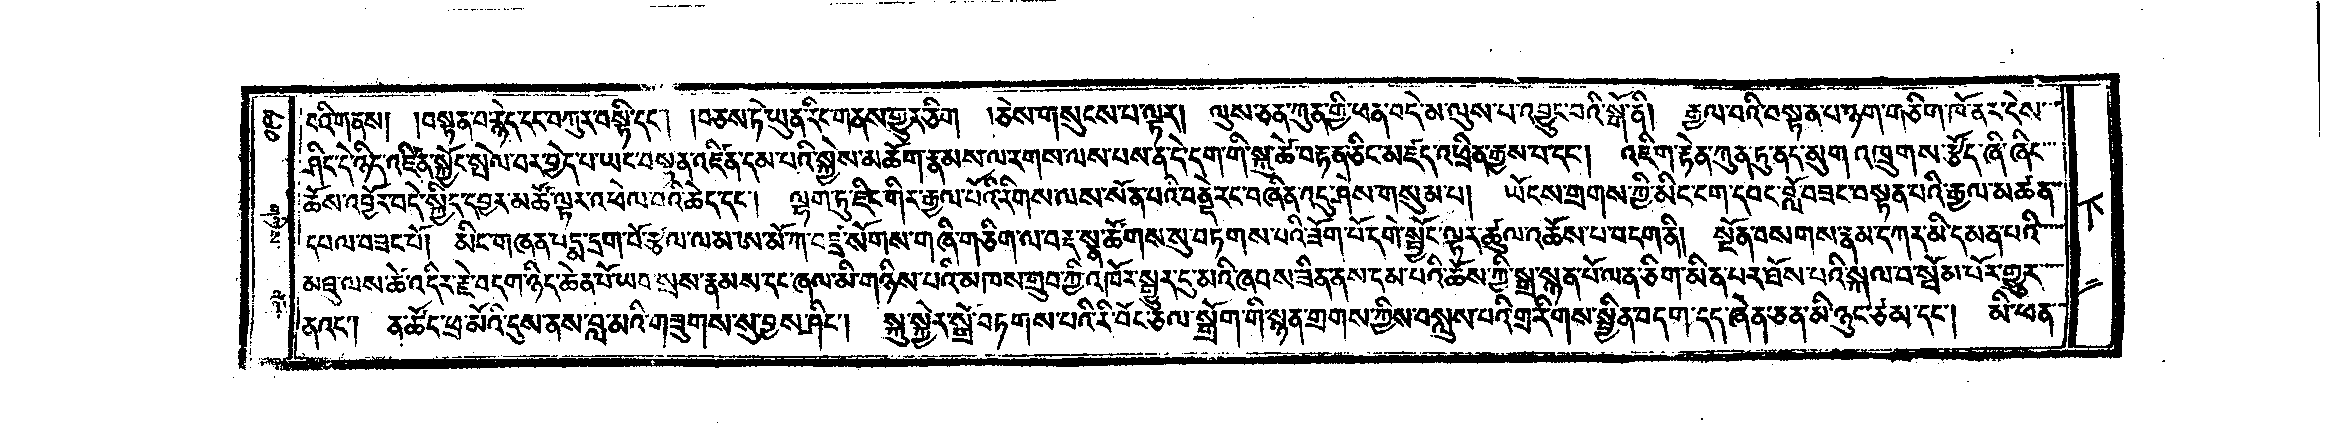བའི་གནས། །བསྟན་པ་རྙེད་དང་བཀུར་བསྟི་དང་། །བཅས་ཏེ་ཡུན་རིང་གནས་གྱུར་ཅིག །ཅེས་གསུངས་པ་ལྟར། ལུས་ཅན་ཀུན་གྱི་ཕན་བདེ་མ་ལུས་པ་འབྱུང་བའི་སྒོ་ནི། རྒྱལ་བའི་བསྟན་པ་ཉག་གཅིག་ཁོ་ནར་དེས?
ཤིང་དེ་ཉིད་འཛིན་སྐྱོང་སྤེལ་བར་བྱེད་པ་ཡང་བསྟན་འཛིན་དམ་པའི་སྐྱེས་མཆོག་རྣམས་ལ་རགས་ལས་པས་ན་དེ་དག་གི་སྐུ་ཚེ་བརྟན་ཅིང་མཛད་འཕྲིན་རྒྱས་པ་དང་། འཇིག་རྟེན་ཀུན་ཏུ་ནད་མུག་འཁྲུགས་རྩོད་ཞི་ཞིང་
ཆོས་འབྱོར་བདེ་སྐྱིད་དབྱར་མཚོ་ལྟར་འཕེལ་བའི་ཆེད་དང་། ལྷག་ཏུ་ཇིང་གིར་རྒྱལ་པོའི་རིགས་ལས་སོན་པའི་བནྡེ་རང་བཞིན་འདུ་ཤེས་གསུམ་པ། ཡོངས་གྲགས་ཀྱི་མིང་ངག་དབང་བློ་བཟང་བསྟན་པའི་རྒྱལ་མཚན་
དཔལ་བཟང་པོ། མིང་གཞན་པདམ་དྲག་པོ་རྩལ་ལམ་ཨ་མོ་ཀ་བཛྲ་སོགས་གཞི་གཅིག་ལ་བརྡ་སྣ་ཚོགས་སུ་བཏགས་པའི་ཟོག་པོ་དགེ་སྦྱོང་ལྟར་ཚུལ་འཆོས་པ་བདག་ནི། སྔོན་བསགས་རྣམ་དཀར་མི་དམན་པའི་
མཐུ་ལས་ཚེ་འདིར་རྗེ་བདག་ཉིད་ཆེན་པོ་ཡབ་སྲས་རྣམས་དང་ཞལ་མི་གཉིས་པའི་མཁས་གྲུབ་ཀྱི་འཁོར་སྒྱུར་དུ་མའི་ཞབས་ཟིན་ནས་དམ་པའི་ཆོས་ཀྱི་སྒྲ་སྙན་པོ་ལན་ཅིག་མིན་པར་ཐོས་པའི་སྐལ་བ་སྦོམ་པོར་གྱུར་
ནའང་། ན་ཚོད་ཕྲ་མོའི་དུས་ནས་བླ་མའི་གཟུགས་སུ་བྱས་ཤིང་། སྐུ་སྐྱེར་སྒྲོ་བཏགས་པའི་རི་བོང་ཅལ་སྒྲོག་གི་སྙན་གྲགས་ཀྱིས་བསླུས་པའི་གྲ་རིགས་སྦྱིན་བདག་དད་ཞེན་ཅན་མི་ཉུང་ཙམ་དང་། མི་ཕན་